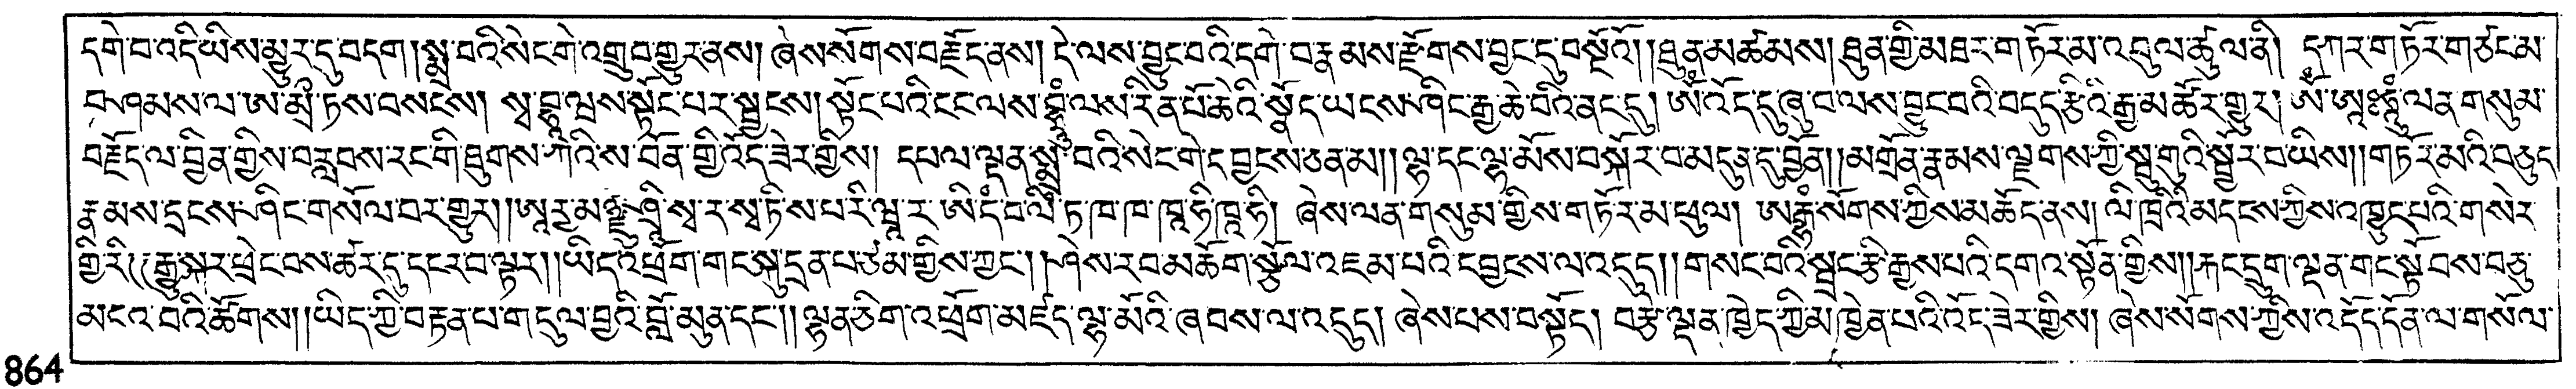དགེ་བ་འདི་ཡིས་མྱུར་དུ་བདག །སྨྲ་བའི་སེང་གེ་འགྲུབ་གྱུར་ནས། ཞེས་སོགས་བརྗོད་ནས། དེ་ལས་བྱུང་བའི་དགེ་བ་རྣམས་རྫོགས་བྱང་དུ་བསྔོའོ། །ཐུན་མཚམས། ཐུན་གྱི་མཐར་གཏོར་མ་འབུལ་ཚུལ་ནི། དཀར་གཏོར་གཙང་མ་
བཤམས་ལ་ཨ་མྲྀ་ཏས་བསངས། སྭ་བྷཱ་ཝས་སྟོང་པར་སྦྱངས། སྟོང་པའི་ངང་ལས་བྷྲཱུཾ་ལས་རིན་པོ་ཆེའི་སྣོད་ཡངས་ཤིང་རྒྱ་ཆེ་བའི་ནང་དུ། ཨོཾ་འོད་དུ་ཞུ་བ་ལས་བྱུང་བའི་བདུད་རྩིའི་རྒྱ་མཚོར་གྱུར། ཨོཾ་ཨཱཿ ཧཱུཾ་ལན་གསུམ་
བརྗོད་ལ་བྱིན་གྱིས་བརླབས་རང་གི་ཐུགས་ཀའི་ས་བོན་གྱི་འོད་ཟེར་གྱིས། དཔལ་ལྡན་སྨྲ་བའི་སེང་གེ་དབྱངས་ཅན་མ། །ལྷ་དང་ལྷ་མོས་བསྐོར་བ་མདུན་དུ་བྱོན། །མགྲོན་རྣམས་ལྗགས་ཀྱི་སྦུ་གུའི་སྦྱོར་བ་ཡིས། །གཏོར་མའི་བཅུད་
རྣམས་དྲངས་ཤིང་གསོལ་བར་གྱུར། །ཨཱརྱ་མཉྫུ་ཤྲཱི་སྭ་ར་སྭ་ཏི་ས་པ་རི་ཝཱ་ར་ཨི་དཾ་བ་ལིཾ་ཏ་ཁ་ཁ་ཁཱ་ཧི་ཁཱ་ཧི། ཞེས་ལན་གསུམ་གྱིས་གཏོར་མ་ཕུལ། ཨརྒྷཾ་སོགས་ཀྱིས་མཆོད་ནས། ལི་ཁྲིའི་མདངས་ཀྱིས་འཁྱུད་པའི་གསེར་
གྱི་རི༑ ༑རྒྱུ་སྐར་ཕྲེང་བས་ཚར་དུ་དང་ར་བ་ལྟར། །ཡིད་འཕྲོག་གང་སྐུ་དྲན་པ་ཙམ་གྱིས་ཀྱང་། །ཤེས་རབ་མཆོག་སྩོལ་འཇམ་པའི་དབྱངས་ལ་འདུད། །གསང་བའི་སྦྲང་རྩི་རྒྱས་པའི་དགའ་སྟོན་གྱིས། །རྐང་དྲུག་ལྡན་གང་སྟོབས་བཅུ་
མངའ་བའི་ཚོགས། །ཡིད་ཀྱི་བརྟན་པ་གདུལ་བྱའི་བློ་མུན་དང་། །ལྷན་ཅིག་འཕྲོག་མཛད་ལྷ་མོའི་ཞབས་ལ་འདུད། ཞེས་པས་བསྟོད། བརྩེ་ལྡན་ཁྱེད་ཀྱི་མཁྱེན་པའི་འོད་ཟེར་གྱིས། ཞེས་སོགས་ཀྱིས་འདོད་དོན་ལ་གསོལ་